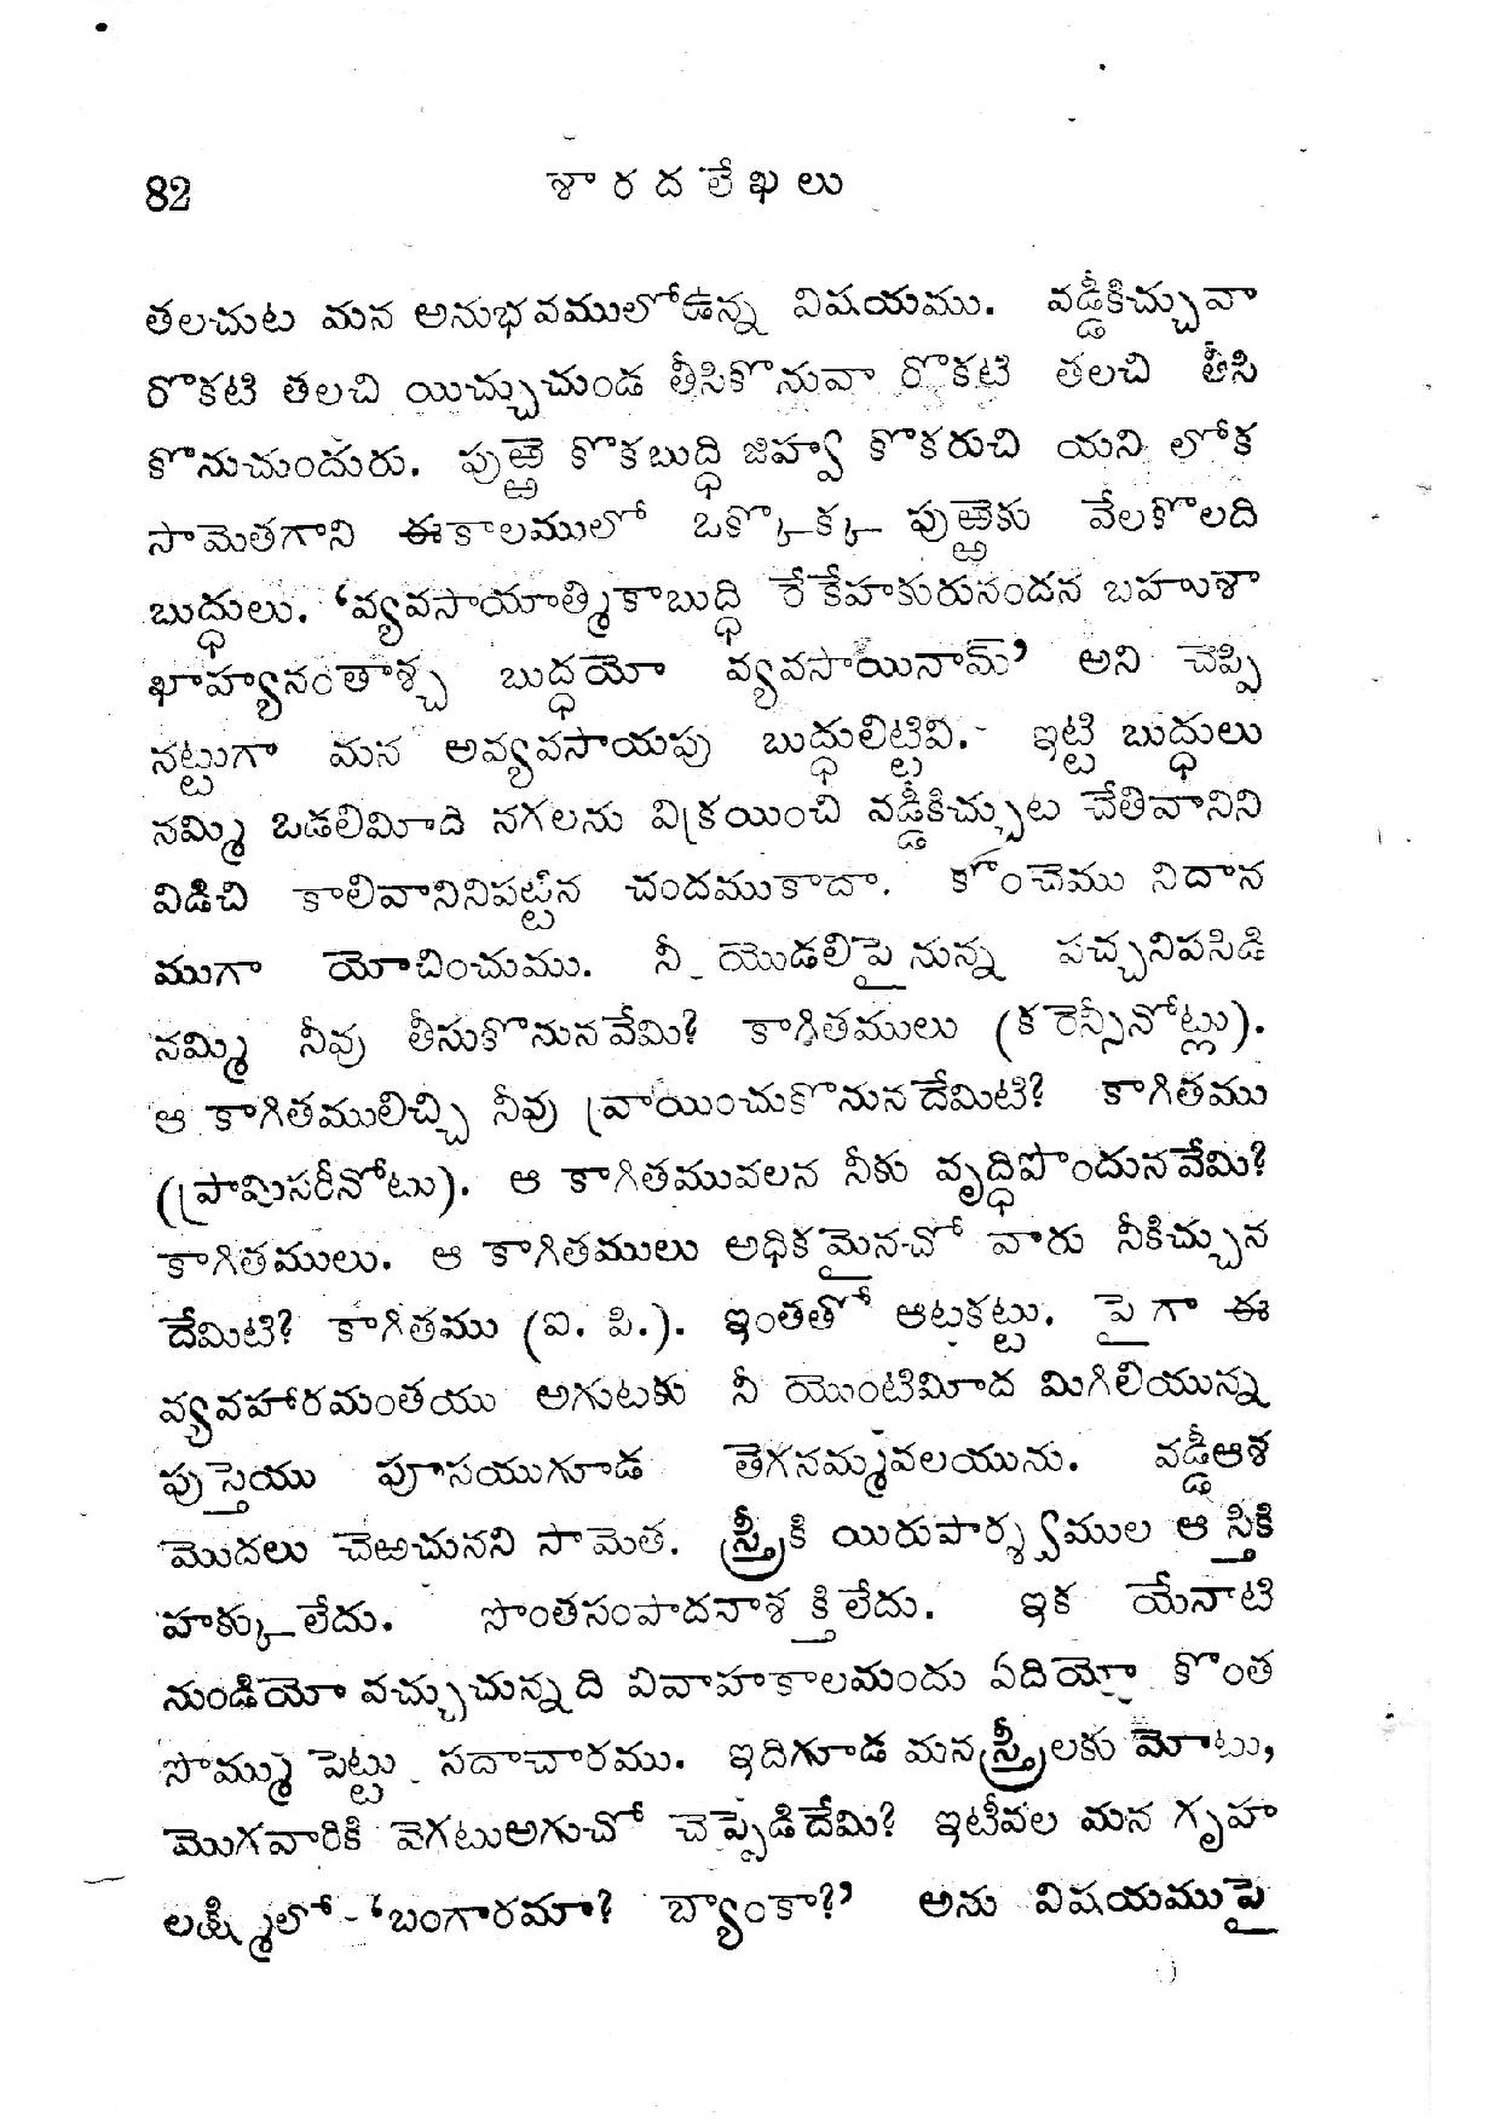తలచుట మన అనుభవములో ఉన్న విషయము. వడ్డీకిచ్చువా
రొకటి తలచి యిచ్చుచుండ తీసికొనువా రొకటి తలచి తీసి
కొనుచుందురు. పుఱ్ఱె కొకబుద్ధి జిహ్వ కొకరుచి యని లోక
సామెతగాని ఈ కాలములో ఒక్కొక్క పుఱ్ఱెకు వేలకొలది
బుద్ధులు. ‘వ్యవసాయాత్మికాబుద్ధి రేకేహకురునందన బహుశా
ఖాహ్యనంతాశ్చ బుద్ధయో వ్యవసాయినామ్' అని చెప్పి
నట్టుగా మన అవ్యవసాయపు బుద్ధులిట్టివి. ఇట్టి బుద్దులు
నమ్మి ఒడలివిూది నగలను విక్రయించి వడ్డీకిచ్చుట చేతివానిని
విడిచి కాలివానినిపట్టిన చందము కాదా. కొంచెము నిదాన
ముగా యోచించుము. నీ యొడలిపై నున్న పచ్చనిపసిడి
నమ్మి నీవు తీసుకొనునవేమి? కాగితములు (కరెన్సీనోట్లు).
ఆ కాగితములిచ్చి నీవు వ్రాయించుకొనున దేమిటి? కాగితము
(ప్రామిసరీనోటు). ఆ కాగితమువలన నీకు వృద్ధిపొందున వేమి?
కాగితములు. ఆ కాగితములు అధికమైనచో వారు నీకిచ్చున
దేమిటి? కాగితము (ఐ. పి.). ఇంతతో ఆటకట్టు. పైగా ఈ
వ్యవహారమంతయు అగుటకు నీ యొంటిమీద మిగిలియున్న
పుస్తెయు పూసయుగూడ తెగనమ్మవలయును. వడ్డీఆశ
మొదలు చెఱచునని సామెత. స్త్రీకి యిరు పార్శ్వముల ఆస్తికి 
హక్కు లేదు. సొంతసంపాదనాశక్తి లేదు. ఇక యేనాటి
నుండియో వచ్చుచున్నది వివాహకాలమందు ఏదియో కొంత
సొమ్ము పెట్టు సదాచారము. ఇదిగూడ మనస్త్రీలకు మోటు,
మొగవారికి వెగటుఅగుచో చెప్పెడి దేమి? ఇటీవల మన గృహ
లక్ష్మిలో 'బంగారమా? బ్యాంకా?' అను విషయముపై